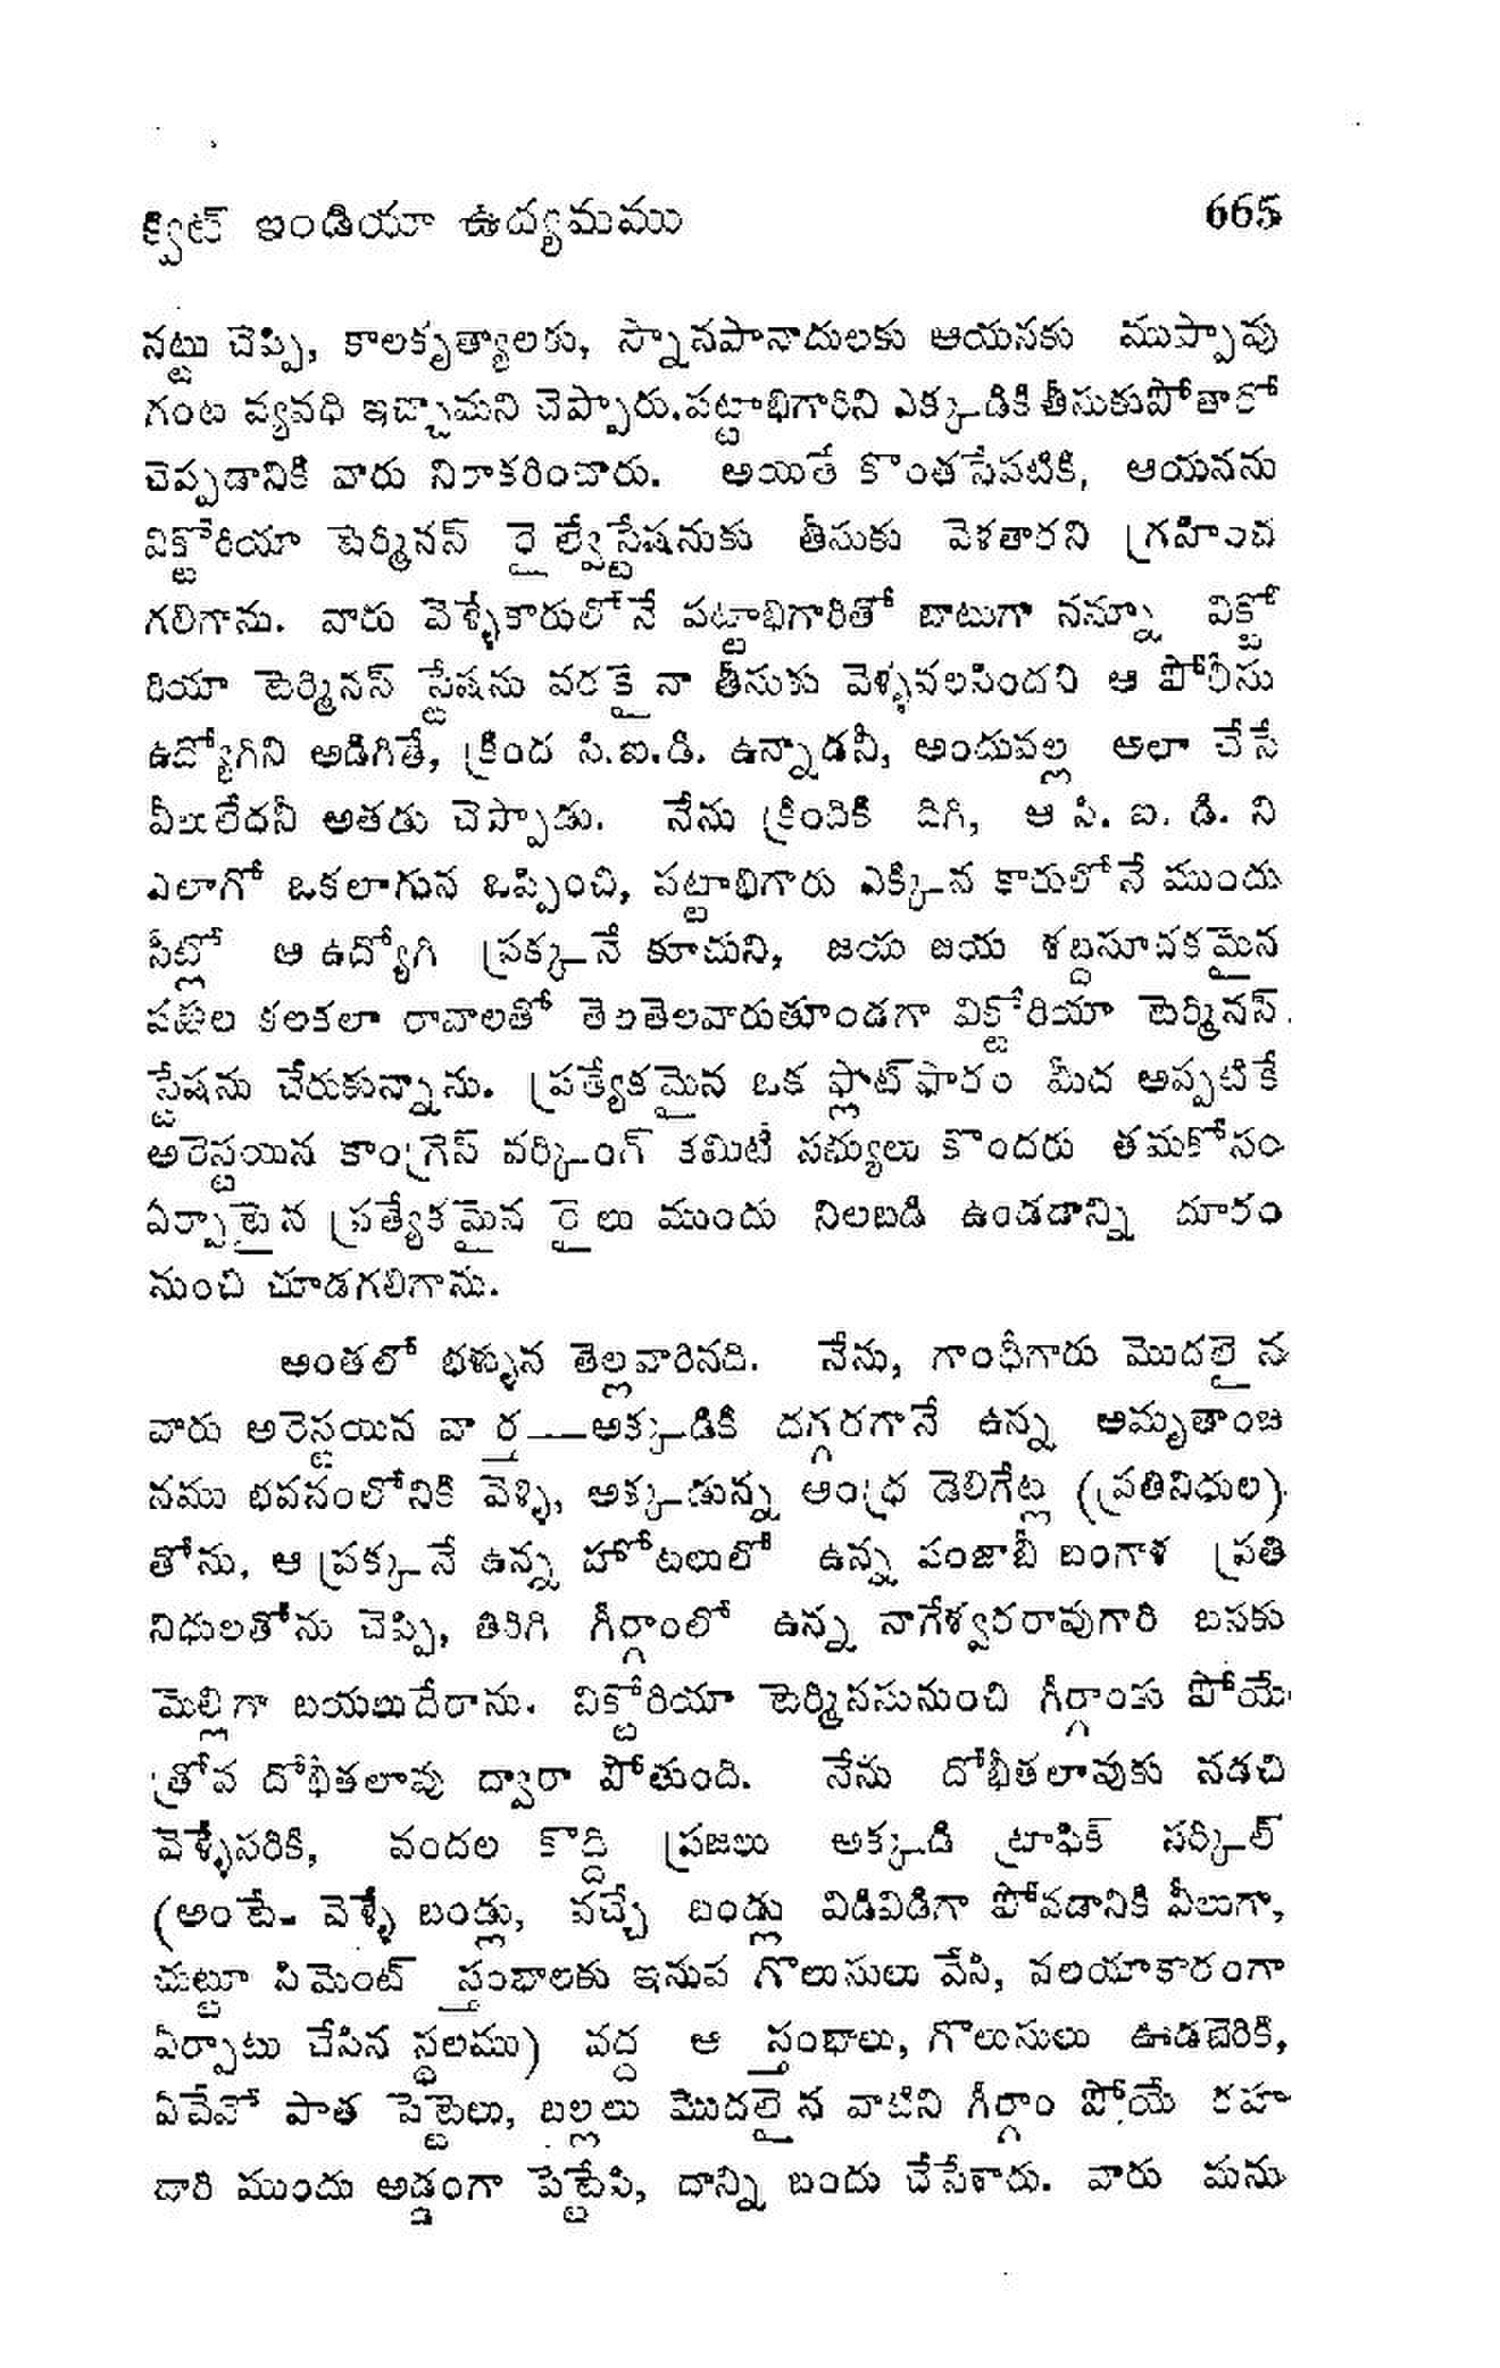నట్టు చెప్పి, కాలకృత్యాలకు, స్నానపానాదులకు ఆయనకు ముప్పావు గంట వ్యవధి ఇచ్చామని చెప్పారు. పట్టాభిగారిని ఎక్కడికి తీసుకుపోతారో చెప్పడానికి వారు నిరాకరించారు. అయితే కొంతసేపటికి, ఆయనను విక్టోరియా టెర్మినెస్ రైల్వేస్టేషనుకు తీసుకు వెళతారని గ్రహించగలిగాను. వారు వెళ్ళేకారులోనే పట్టాభిగారితో బాటుగా నన్నూ విక్టోరియా టెర్మినస్ స్టేషను వరకైనా తీసుకు వెళ్ళవలసిందని ఆ పోలీసు ఉద్యోగిని అడిగితే, క్రింద సి.ఐ.డి. ఉన్నాడనీ, అందువల్ల అలా చేసే వీలులేదనీ అతడు చెప్పాడు. నేను క్రిందికి దిగి, ఆ సి.ఐ.డి. ని ఎలాగో ఒకలాగున ఒప్పించి, పట్టాభిగారు ఎక్కిన కారులోనే ముందుసీట్లో ఆ ఉద్యోగి ప్రక్కనే కూచుని, జయ జయ శబ్దసూచకమైన పక్షుల కలకలా రావాలతో తెలతెల వారుతూండగా విక్టోరియా టెర్మినస్ స్టేషను చేరుకున్నాను. ప్రత్యేకమైన ఒక ఫ్లాట్‌ఫారం మీద అప్పటికే అరెస్టయిన కాంగ్రెస్ వర్కింగ్ కమిటీ సభ్యులు కొందరు తమకోసం ఏర్పాటైన ప్రత్యేకమైన రైలు ముందు నిలబడి ఉండడాన్ని దూరం నుంచి చూడగలిగాను.

అంతలో భళ్ళున తెల్లవారినది. నేను, గాంధీగారు మొదలైనవారు అరెస్టయిన వార్త - అక్కడికి దగ్గరగానే ఉన్న అమృతాంజనము భవనంలోనికి వెళ్ళి, అక్కడున్న ఆంధ్ర డెలిగేట్ల (ప్రతినిధుల) తోను, ఆ ప్రక్కనే ఉన్న హోటలులో ఉన్న పంజాబీ బంగాళ ప్రతినిధులతోను చెప్పి, తిరిగి గీర్గాంలో ఉన్న నాగేశ్వరరావుగారి బసకు మెల్లిగా బయలుదేరాను. విక్టోరియా టెర్మినసునుంచి గీర్గాంకు పోయేత్రోవ దోభీతలావు ద్వారా పోతుంది. నేను దోభీతలావుకు నడచి వెళ్ళేసరికి, వందల కొద్ది ప్రజలు అక్కడి ట్రాఫిక్ సర్కిల్ (అంటే - వెళ్ళే బండ్లు, వచ్చే బండ్లు విడివిడిగా పోవడానికి వీలుగా, చుట్టూ సిమెంట్ స్తంభాలకు ఇనుప గొలుసులు వేసి, వలయాకారంగా ఏర్పాటు చేసిన స్థలము) వద్ద ఆ స్తంభాలు, గొలుసులు ఊడబెరికి, ఏవేవో పాత పెట్టెలు, బల్లలు మొదలైన వాటిని గీర్గాం పోయే రహదారి ముందు అడ్డంగా పెట్టేసి, దాన్ని బందు చేసేశారు. వారు మను